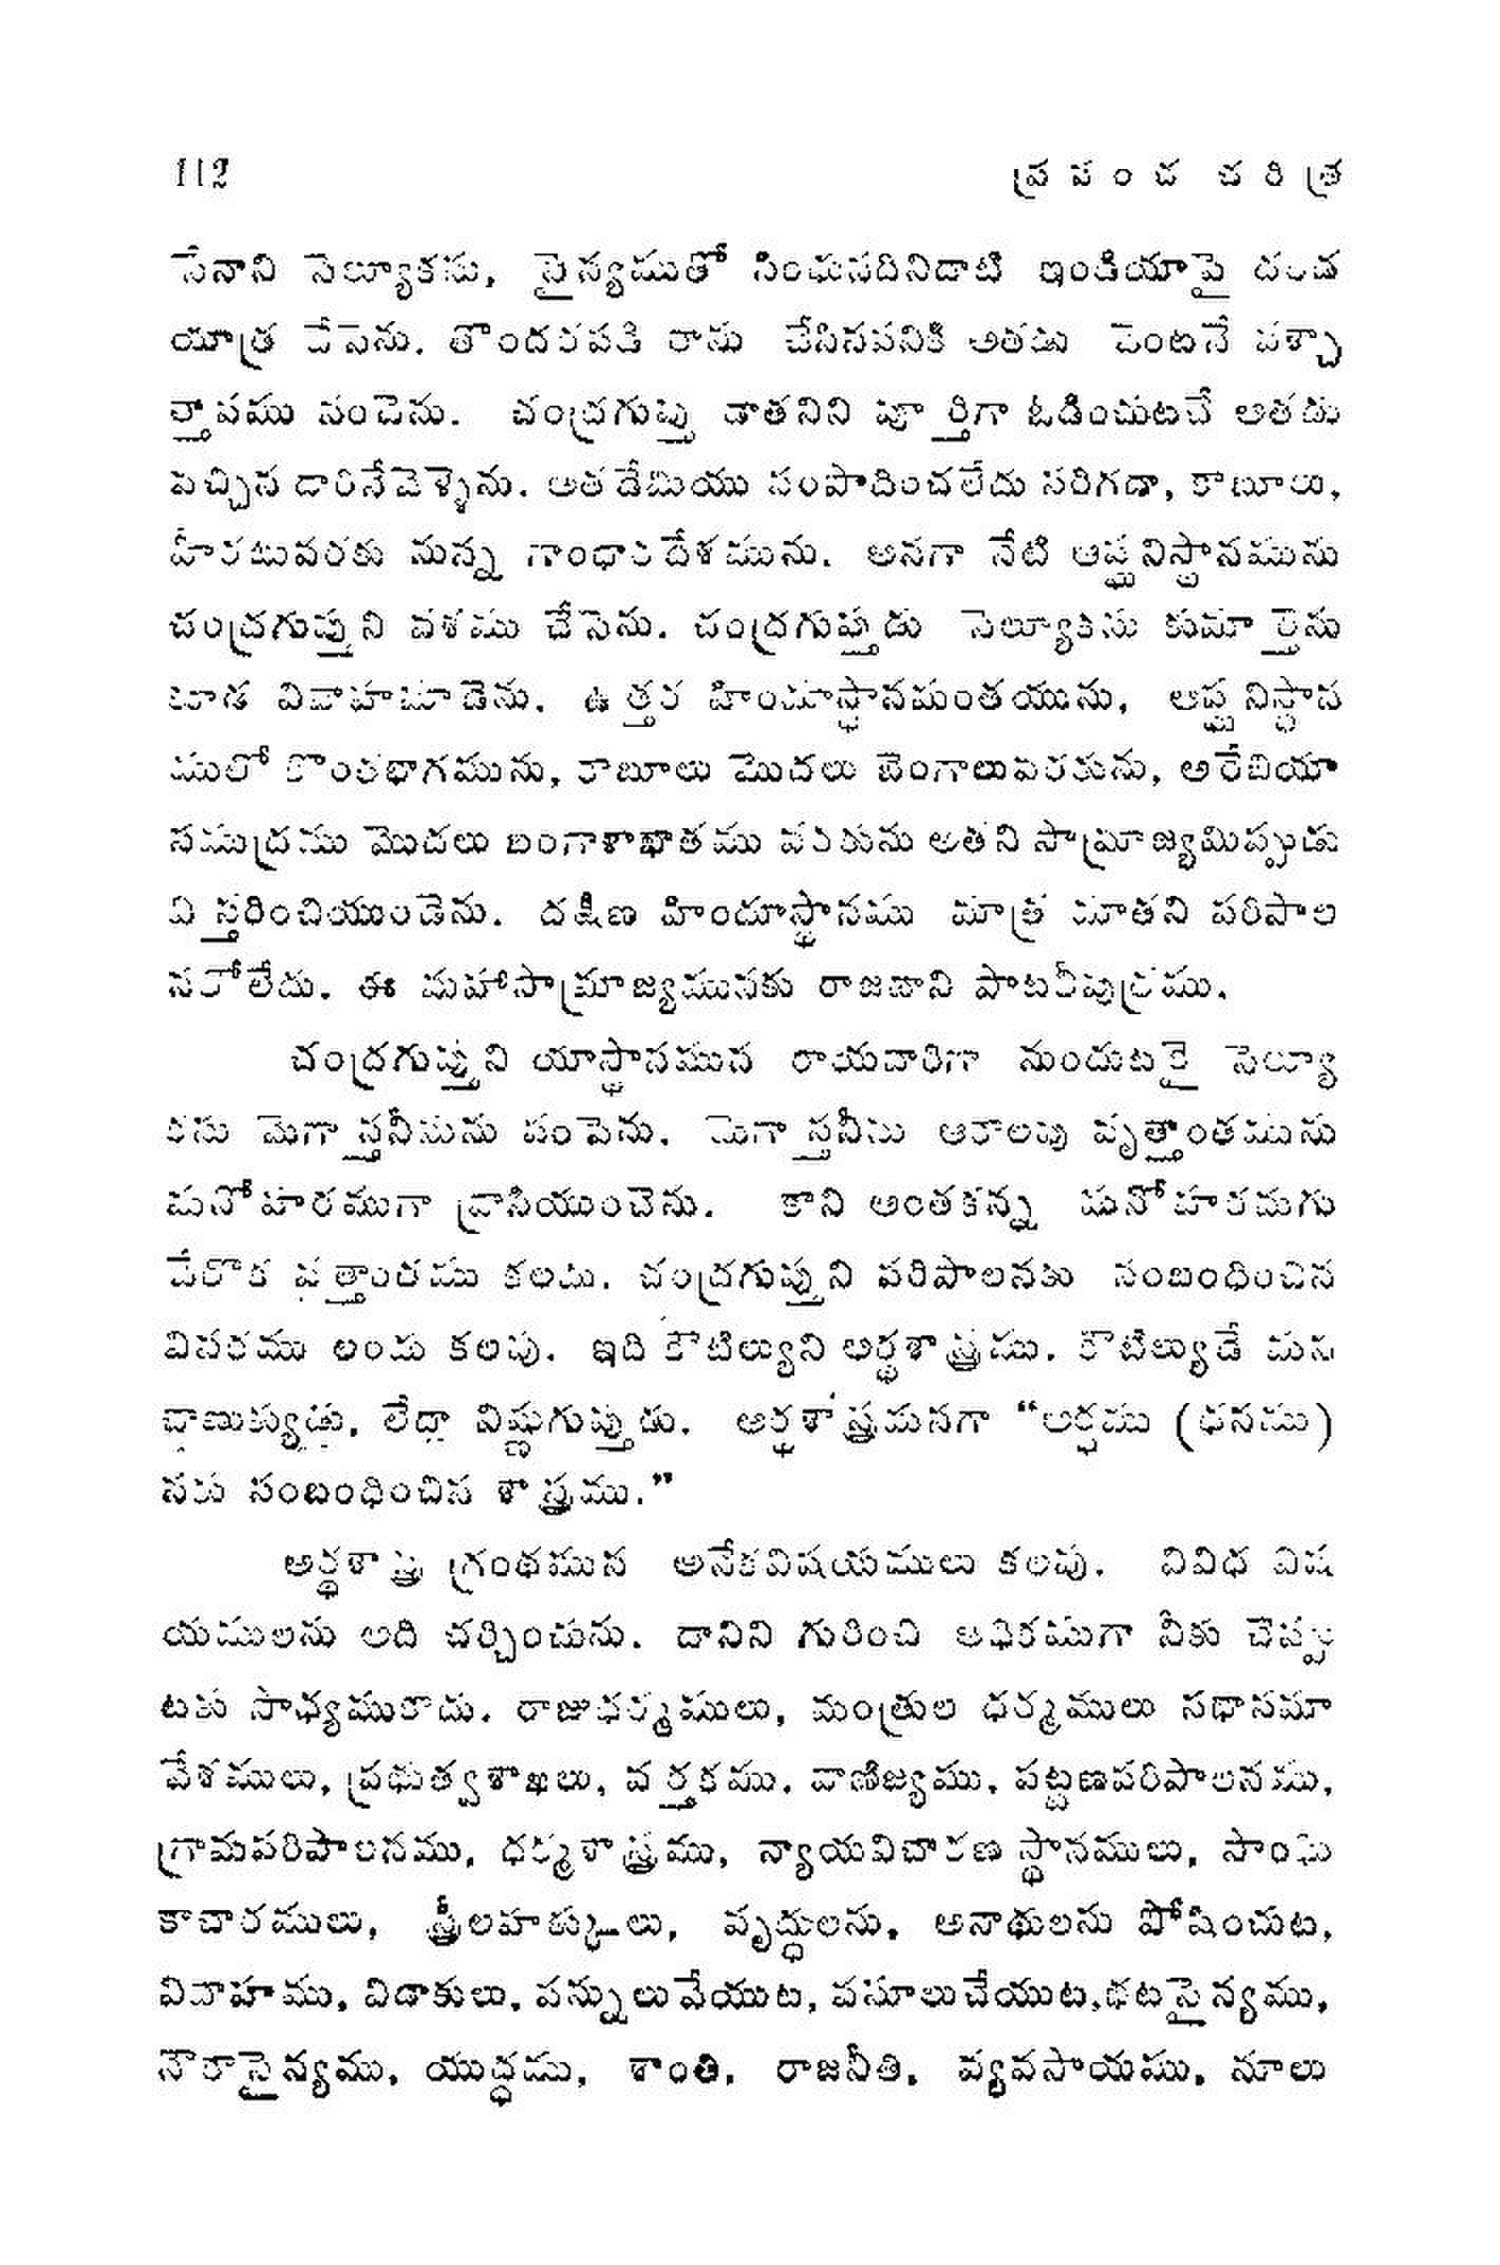సేనాని సెల్యూకసు, సైన్యముతో సింధునదినిదాటి ఇండియాపై దండయాత్ర చేసెను. తొందరపడి తాను చేసినపనికి అతడు వెంటనే పశ్చాత్తాపము నందెను. చంద్రగుప్తు డాతనిని పూర్తిగా ఓడించుటచే అతడు వచ్చినదారినేవెళ్ళెను. అతడేమియు సంపాదించలేదు సరిగదా, కాబూలు, హీరటువరకు నున్న గాంధారదేశమును అనగా నేటి ఆప్ఘనిస్థానమును చంద్రగుప్తుని వశము చేసెను. చంద్రగుప్తుడు సెల్యూకసు కుమార్తెను కూడ వివాహమాడెను. ఉత్తర హిందూస్థానమంతయును, ఆప్ఘనిస్థానములో కొంతభాగమును, కాబూలు మొదలు బెంగాలువరకును, అరేబియా సముద్రము మొదలు బంగాళాఖాతము వరకును అతని సామ్రాజ్యమిప్పుడు విస్తరించియుండెను. దక్షిణ హిందూస్థానము మాత్ర మాతని పరిపాలనలోలేదు. ఈ మహాసామ్రాజ్యమునకు రాజథాని పాటలీపుత్రము.

చంద్రగుప్తుని యాస్థానమున రాయబారిగా నుండుటకై సెల్యూకసు మెగాస్తనీసును పంపెను. మెగాస్తనీసు ఆకాలపు వృత్తాంతమును మనోహరముగా వ్రాసియుండెను. కాని అంతకన్న మనోహరమగు వేరొక వృత్తాంతము కలదు. చంద్రగుప్తుని పరిపాలనకు సంబంధించిన వివరము లందు కలవు. ఇది కౌటిల్యుని అర్థశాస్త్రము. కౌటిల్యుడే మన చాణుక్యుడు, లేదా విష్ణుగుప్తుడు. అర్థశాస్త్రమనగా "అర్థము (ధనము) నకు సంబంధించిన శాస్త్రము."

అర్థశాస్త్ర గ్రంథమున అనేకవిషయములు కలవు. వివిధ విషయములను అది చర్చుంచును. దానిని గురించి అధికముగా నీకు చెప్పుటకు సాధ్యముకాదు. రాజుధర్మములు, మంత్రుల ధర్మములు సభాసమావేశములు, ప్రభుత్వశాఖలు, వర్తకము, వాణిజ్యము, పట్టణపరిపాలనము, గ్రామపరిపాలనము, ధర్మశాస్త్రము, న్యాయవిచారణ స్థానములు, సాంఘికాచారములు, స్త్రీలహక్కులు, వృద్ధులను, అనాథులను పోషించుట, వివాహము, విడాకులు, పన్నులువేయుట, వసూలుచేయుట, భటసైన్యము, నౌకాసైన్యము, యుద్ధము, శాంతి, రాజనీతి, వ్యవసాయము, నూలు